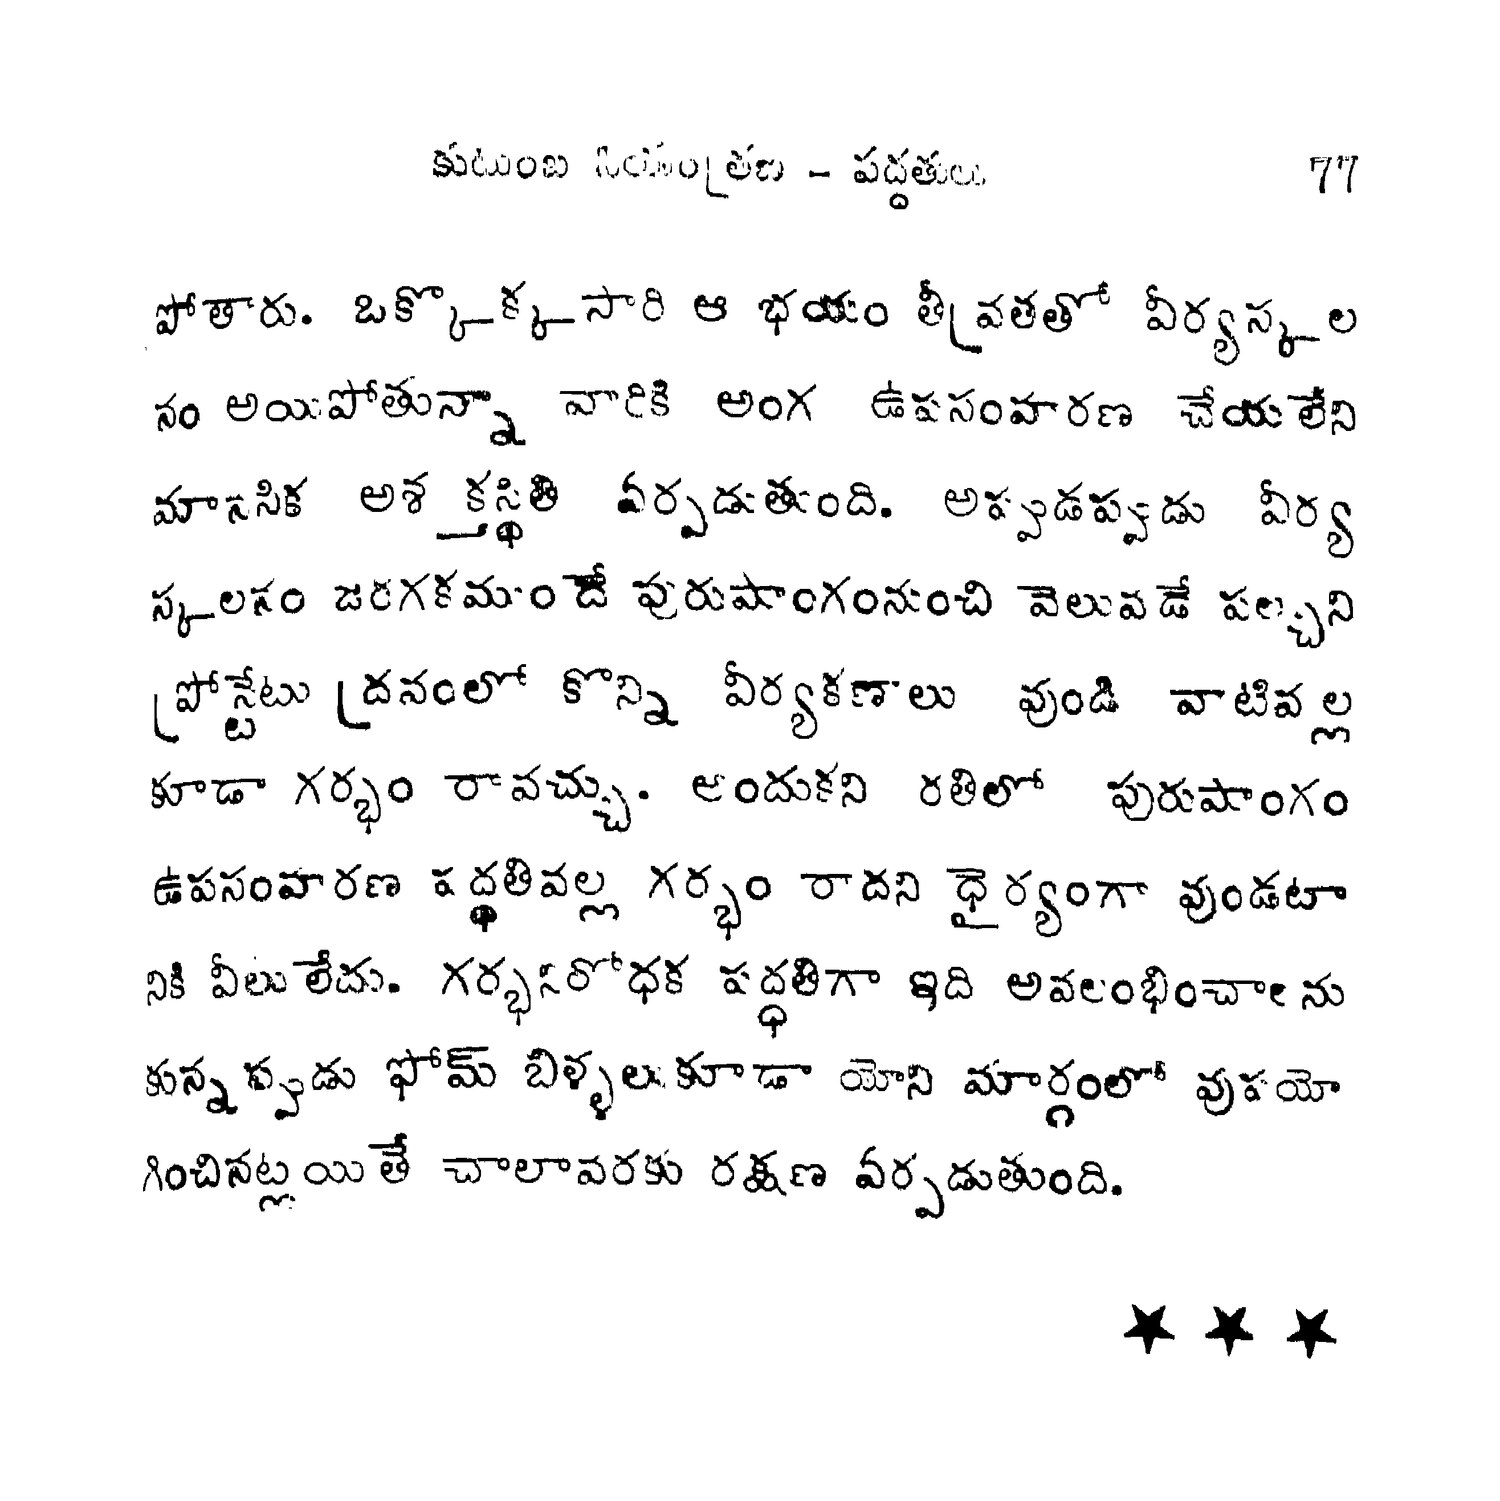పోతారు. ఒక్కొక్కసారి ఆ భయం తీవ్రతతో వీర్యస్కలనం అయిపోతున్నా వారికి అంగ ఉపసంహరణ చేయలేని మానసిక అశక్తస్థితి ఏర్పడుతుంది. అప్పుడప్పుడు వీర్యస్కలనం జరగకముందే పురుషాంగంనుంచి వెలువడే పల్చని ప్రొస్టేటు ద్రవంలో కొన్ని వీర్యకణాలు వుండి వాటివల్ల కూడా గర్భం రావచ్చు. అందుకని రతిలో పురుషాంగం ఉపసంహరణ పద్ధతివల్ల గర్భం రాదని ధైర్యంగా వుండటానికి వీలు లేదు. గర్భనిరోధక పద్ధతిగా ఇది అవలంభించాలనుకున్నప్పుడు ఫోమ్ బిళ్ళలుకూడా యోని మార్గంలో వుపయోగించినట్లయితే చాలావరకు రక్షణ ఏర్పడుతుంది.

* * *